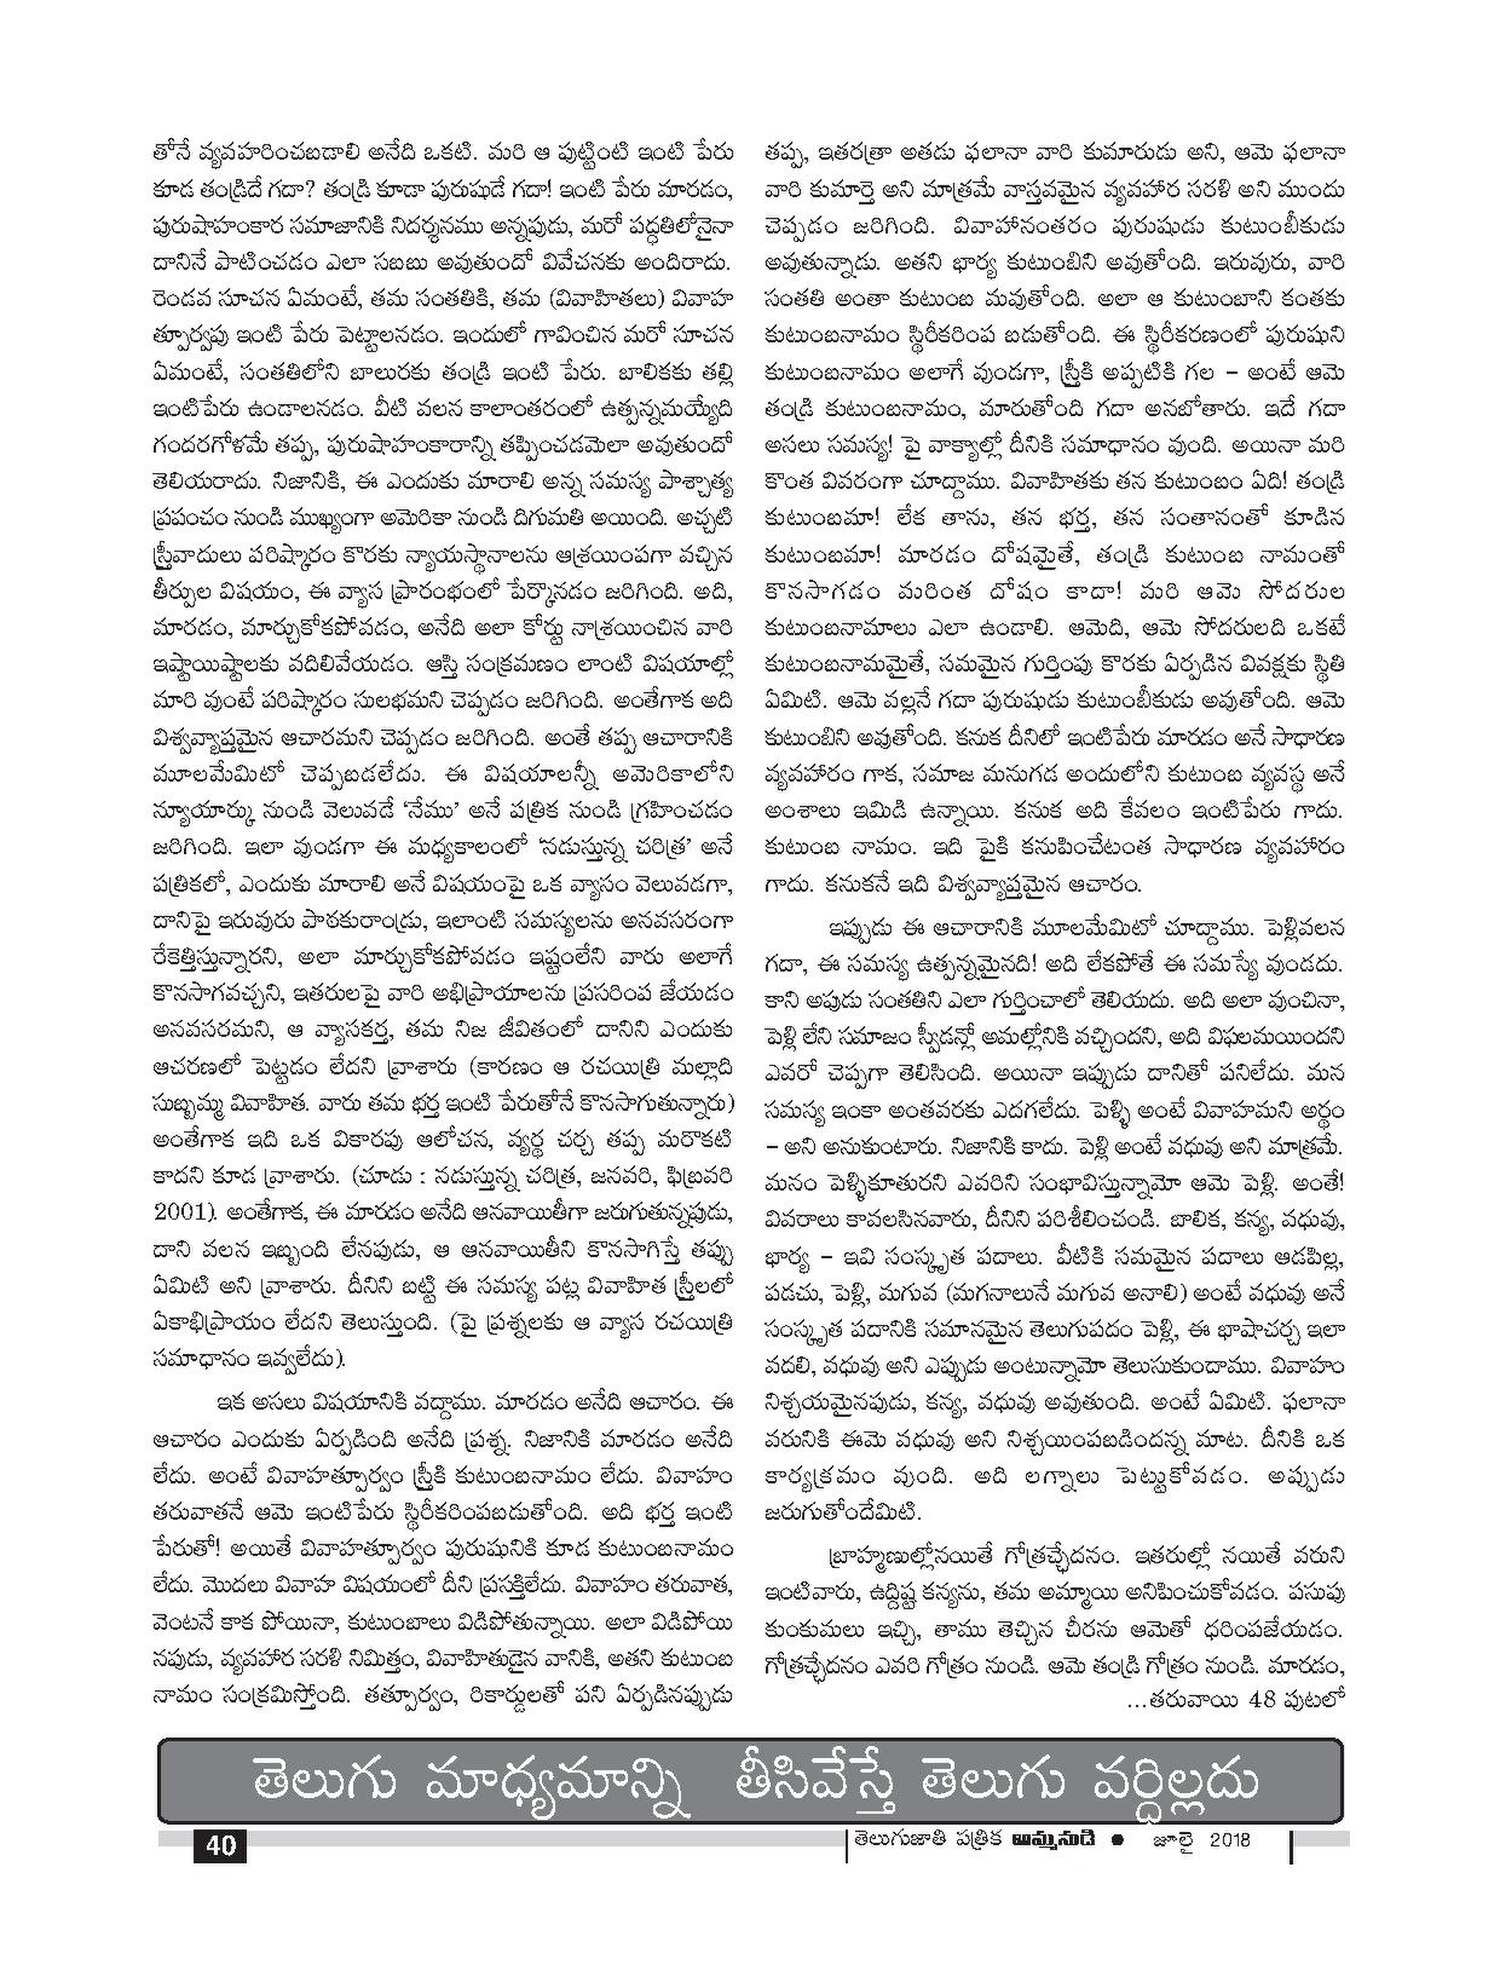తోనే వ్యవహరించబడాలి అనేది ఒకటి. మరి ఆ పుట్టింటి ఇంటి పేరు కూడ తండ్రిదే గదా? తండ్రి కూడా పురుషుడే గదా! ఇంటి పేరు మారడం, పురుషాహంకార సమాజానికి నిదర్శనము అన్నపుడు, మరో పద్ధతిలోనైనా దానినే పాటించడం ఎలా సబబు అవుతుందో వివేచనకు అందిరాదు. రెండవ సూచన ఏమంటే, తమ సంతతికి, తమ (వివాహితలు) వివాహత్పూర్వపు ఇంటి పేరు పెట్టాలనడం. ఇందులో గావించిన మరో సూచన ఏమంటే, సంతతిలోని బాలురకు తండ్రి ఇంటి పేరు. బాలికకు తల్లి
ఇంటిపేరు ఉండాలనడం. వీటి వలన కాలాంతరంలో ఉత్పన్నమయ్యేది. గందరగోళమే తప్ప, పురుషాహంకారాన్ని తప్పించడమెలా అవుతుందో తెలియరాదు. నిజానికి, ఈ ఎందుకు మారాలి అన్న సమస్య పాశ్చాత్య ప్రపంచం నుండి ముఖ్యంగా అమెరికా నుండి దిగుమతి అయింది. అచ్చటి స్త్రీవాదులు పరిష్కారం కొరకు న్యాయస్థానాలను ఆశ్రయింపగా వచ్చిన తీర్పుల విషయం, ఈ వ్యాస ప్రారంభంలో పేర్కొనడం జరిగింది. అది, మారడం, మార్చుకోకపోవడం, అనేది అలా కోర్టు నాశ్రయించిన వారి ఇష్టాయిష్టాలకు వదిలివేయడం. ఆస్తి సంక్రమణం లాంటి విషయాల్లో మారి వుంటే పరిష్కారం సులభమని చెప్పడం జరిగింది. అంతేగాక అది. విశ్వవ్యాప్తమైన ఆచారమని చెప్పడం జరిగింది. అంతే తప్ప ఆచారానికి మూలమేమిటో చెప్పబడలేదు. ఈ విషయాలన్నీ అమెరికాలోని న్యూయార్కు నుండి వెలువడే 'నేము' అనే పత్రిక నుండి గ్రహించడం జరిగింది. ఇలా వుండగా ఈ మధ్యకాలంలో 'నడుస్తున్న చరిత్ర' అనే పత్రికలో, ఎందుకు మారాలి అనే విషయంపై ఒక వ్యాసం వెలువడగా,
దానిపై ఇరువురు పాఠకురాండ్రు, ఇలాంటి సమస్యలను అనవసరంగా రేకెత్తిస్తున్నారని, అలా మార్చుకోకపోవడం ఇష్టంలేని వారు అలాగే కొనసాగవచ్చని, ఇతరులపై వారి అభిప్రాయాలను ప్రసరింప జేయడం అనవసరమని, ఆ వ్యాసకర్త, తమ నిజ జీవితంలో దానిని ఎందుకు ఆచరణలో పెట్టడం లేదని వ్రాశారు (కారణం ఆ రచయిత్రి మల్లాది సుబ్బమ్మ వివాహిత. వారు తమ భర్త ఇంటి పేరుతోనే కొనసాగుతున్నారు) అంతేగాక ఇది ఒక వికారపు ఆలోచన, వ్యర్థ చర్చ తప్ప మరొకటి కాదని కూడ వ్రాశారు. (చూడు : నడుస్తున్న చరిత్ర, జనవరి, ఫిబ్రవరి 2001) అంతేగాక, ఈ మారడం అనేది ఆనవాయితీగా జరుగుతున్నపుడు, దాని వలన ఇబ్బంది లేనపుడు, ఆ ఆనవాయితీని కొనసాగిస్తే తప్పు ఏమిటి అని వ్రాశారు. దీనిని బట్టి ఈ సమస్య పట్ల వివాహిత స్త్రీలలో ఏకాభిప్రాయం లేదని తెలుస్తుంది. (పై ప్రశ్నలకు ఆ వ్యాస రచయిత్రి సమాధానం ఇవ్వలేదు).

ఇక అసలు విషయానికి వద్దాము. మారడం అనేది ఆచారం. ఈ ఆచారం ఎందుకు ఏర్పడింది అనేది ప్రశ్న. నిజానికి మారడం అనేది లేదు. అంటే వివాహత్పూర్వం స్త్రీకి కుటుంబనామం లేదు. వివాహం
తరువాతనే ఆమె ఇంటిపేరు స్థిరీకరింపబడుతోంది. అది భర్త ఇంటి పేరుతో! అయితే వివాహత్పూర్వం పురుషునికి కూడ కుటుంబనామం లేదు. మొదలు వివాహ విషయంలో దీని ప్రసక్తిలేదు. వివాహం తరువాత, వెంటనే కాక పోయినా, కుటుంబాలు విడిపోతున్నాయి. అలా విడిపోయినపుడు, వ్యవహార సరళి నిమిత్తం, వివాహితుడైన వానికి అతని కుటుంబ నామం సంక్రమిస్తోంది. తత్పూర్వం, రికార్డులతో పని ఏర్పడినప్పుడు తప్ప, ఇతరత్రా అతడు ఫలానా వారి కుమారుడు అని, ఆమె ఫలానా వారి కుమార్తె అని మాత్రమే వాస్తవమైన వ్యవహార సరళి అని ముందు చెప్పడం జరిగింది. వివాహానంతరం వురుషుడు కుటుంబీకుడు అవుతున్నాడు. అతని భార్య కుటుంబిని అవుతోంది. ఇరువురు, వారి
సంతతి అంతా కుటుంబ మవుతోంది. అలా ఆ కుటుంబాని కంతకు కుటుంబనామం స్థిరీకరింప బడుతోంది. ఈ స్థిరీకరణంలో పురుషుని కుటుంబనామం అలాగే వుండగా, స్త్రీకి అప్పటికి గల - అంటే ఆమె తండ్రి కుటుంబనామం, మారుతోంది గదా అనబోతారు. ఇదే గదా అసలు సమస్య! పై వాక్యాల్లో దీనికి సమాధానం వుంది. అయినా మరి కొంత వివరంగా చూద్దాము. వివాహితకు తన కుటుంబం ఏది! తండ్రి కుటుంబమా! లేక తాను, తన భర్త, తన సంతానంతో కూడిన కుటుంబమా! మారడం దోషమైతే, తండ్రి కుటుంబ నామంతో కొనసాగడం మరింత దోషం కాదా! మరి ఆమె సోదరుల
కుటుంబనామాలు ఎలా ఉండాలి. ఆమెది, ఆమె సోదరులది ఒకటే కుటుంబనామమైతే, సమమైన గుర్తింపు కొరకు ఏర్పడిన వివక్షకు స్థితి ఏమిటి. ఆమె వల్లనే గదా పురుషుడు కుటుంబీకుడు అవుతోంది. ఆమె కుటుంబిని అవుతోంది. కనుక దీనిలో ఇంటిపేరు మారడం అనే సాధారణ
వ్యవహారం గాక, సమాజ మనుగడ అందులోని కుటుంబ వ్యవస్థ అనే అంశాలు ఇమిడి ఉన్నాయి. కనుక అది కేవలం ఇంటిపేరు గాదు. కుటుంబ నామం. ఇది పైకి కనుపించేటంత సాధారణ వ్యవహారం గాదు. కనుకనే ఇది విశ్వవ్యాప్తమైన ఆచారం.

ఇప్పుడు ఈ ఆచారానికి మూలమేమిటో చూద్దాము. పెళ్లివలన గదా, ఈ సమస్య ఉత్పన్నమైనది! అది లేకపోతే ఈ సమస్యే వుండదు. కాని అపుడు సంతతిని ఎలా గుర్తించాలో తెలియదు. అది అలా వుంచినా, పెళ్లి లేని సమాజం స్వీడన్లో అమల్లోనికి వచ్చిందని, అది విఫలమయిందని ఎవరో చెప్పగా తెలిసింది. అయినా ఇప్పుడు దానితో పనిలేదు. మన సమస్య ఇంకా అంతవరకు ఎదగలేదు. పెళ్ళి అంటే వివాహమని అర్థం - అని అనుకుంటారు. నిజానికి కాదు. పెళ్లి అంటే వధువు అని మాత్రమే.
మనం పెళ్ళికూతురని ఎవరిని సంభావిస్తున్నామో ఆమె పెళ్లి. అంతే! వివరాలు కావలసినవారు, దీనిని పరిశీలించండి. బాలిక, కన్య, వధువు, భార్య - ఇవి సంస్కృత పదాలు. వీటికి సమమైన పదాలు ఆడపిల్ల, పడచు, పెళ్లి, మగువ (మగనాలునే మగువ అనాలి) అంటే వధువు అనే సంస్కృత పదానికి సమానమైన తెలుగుపదం పెళ్లి, ఈ భాషాచర్చ ఇలా వదలి, వధువు అని ఎప్పుడు అంటున్నామో తెలుసుకుందాము. వివాహం నిశ్చయమైనపుడు, కన్య, వధువు అవుతుంది. అంటే ఏమిటి. ఫలానా
వరునికి ఈమె వధువు అని నిశ్చయింపబడిందన్న మాట. దీనికి ఒక కార్యక్రమం వుంది. అది లగ్నాలు పెట్టుకోవడం. అప్పుడు జరుగుతోందేమిటి.

బ్రాహ్మణుల్లోనయితే గోత్రచ్ఛేదనం. ఇతరుల్లో నయితే వరుని ఇంటివారు, ఉద్దిష్ట కన్యను, తమ అమ్మాయి అనిపించుకోవడం. పసుపు కుంకుమలు ఇచ్చి, తాము తెచ్చిన చీరను ఆమెతో ధరింపజేయడం. గోత్రచ్ఛేదనం ఎవరి గోత్రం నుండి. ఆమె తండ్రి గోత్రం నుండి. మారడం,